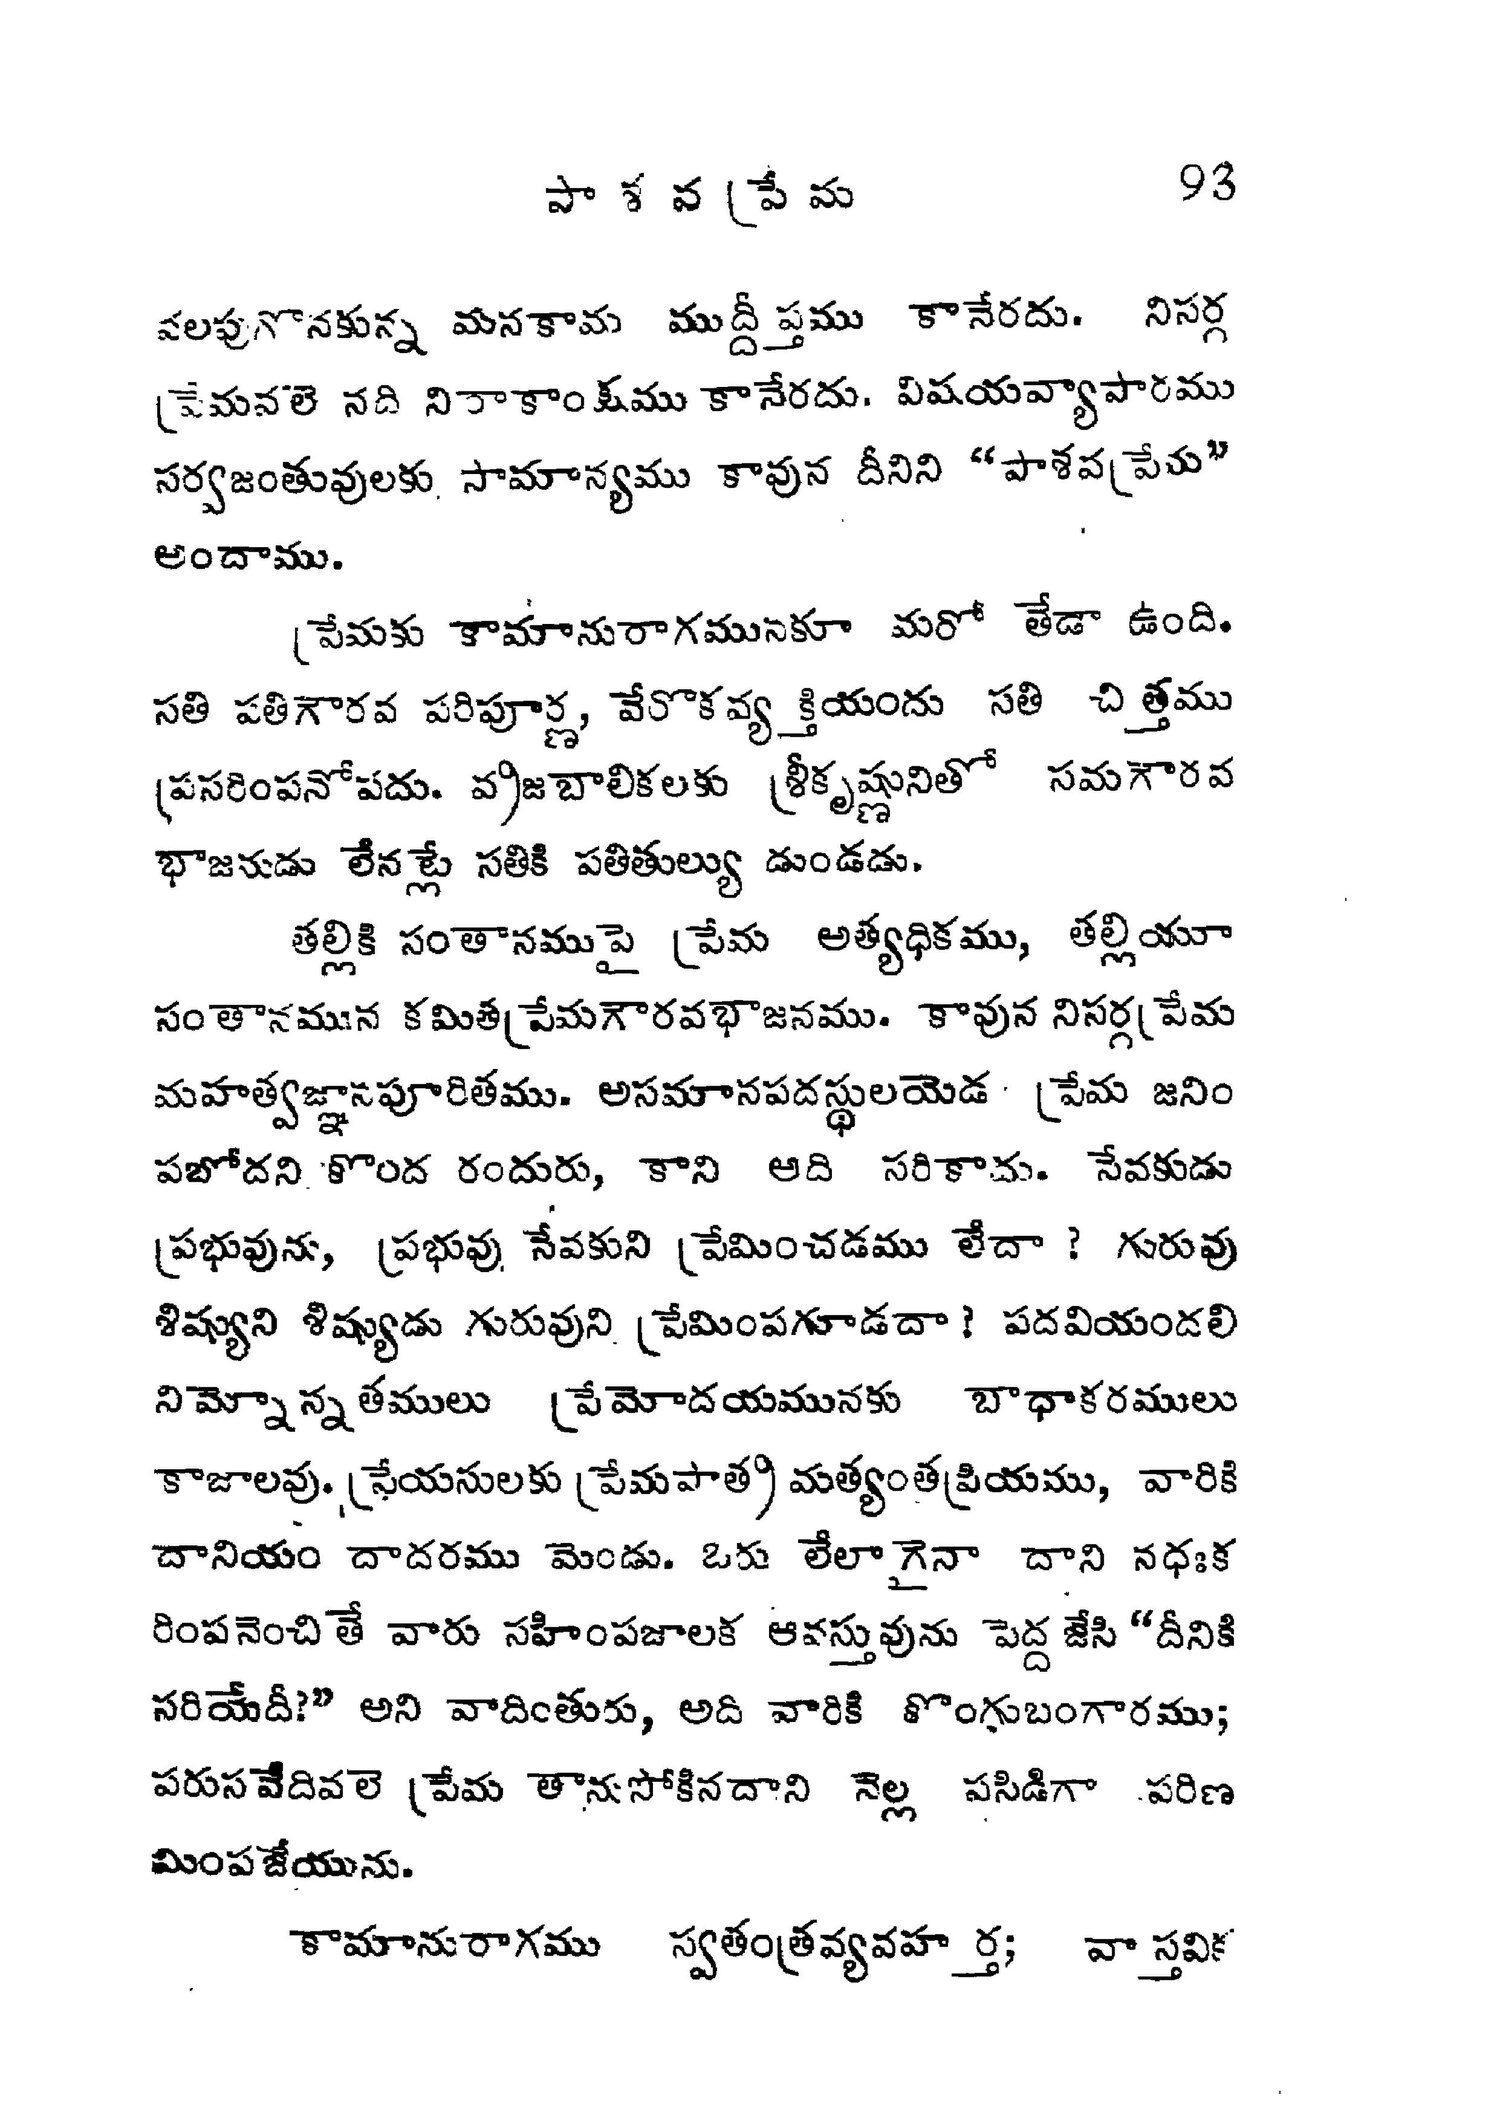వలపుగొనకున్న మనకామ ముద్దీప్తము కానేరదు. నిసర్గ ప్రేమవలె నది నిరాకాంక్షము కానేరదు. విషయవ్యాపారము సర్వజంతువులకు సామాన్యము కావున దీనిని "పాశవప్రేమ" అందాము.

ప్రేమకు కామానురాగమునకూ మరో తేడా ఉంది. సతి పతిగౌరవ పరిపూర్ణ, వేరొకవ్యక్తియందు సతి చిత్తము ప్రసరింపనోపదు. వ్రజబాలికలకు శ్రీకృష్ణునితో సమగౌరవ భాజనుడు లేనట్లే సతికి పతితుల్యు డుండడు.

తల్లికి సంతానముపై ప్రేమ అత్యధికము, తల్లియూ సంతానమున కమితప్రేమగౌరవభాజనము. కావున నిసర్గప్రేమ మహత్వజ్ఞానపూరితము. అసమానపదస్థులయెడ ప్రేమ జనింపబోదని కొంద రందురు, కాని ఆది సరికాదు. సేవకుడు ప్రభువును, ప్రభువు సేవకుని ప్రేమించడము లేదా? గురువు శిష్యుని శిష్యుడు గురువుని ప్రేమింపగూడదా? పదవియందలి నిమ్నోన్నతములు ప్రేమోదయమునకు బాధాకరములు కాజాలవు. ప్రేయసులకు ప్రేమపాత్ర మత్యంతప్రియము, వారికి దానియం దాదరము మెండు. ఒరు లేలాగైనా దాని నధ:కరింపనెంచితే వారు సహింపజాలక ఆవస్తువును పెద్ద జేసి "దీనికి సరియేది?" అని వాదింతురు, అది వారికి కొంగుబంగారము; పరుసవేదివలె ప్రేమ తానుసోకినదాని నెల్ల పసిడిగా పరిణమింపజేయును.

కామానురాగము స్వతంత్రవ్యవహర్త; వాస్తవిక